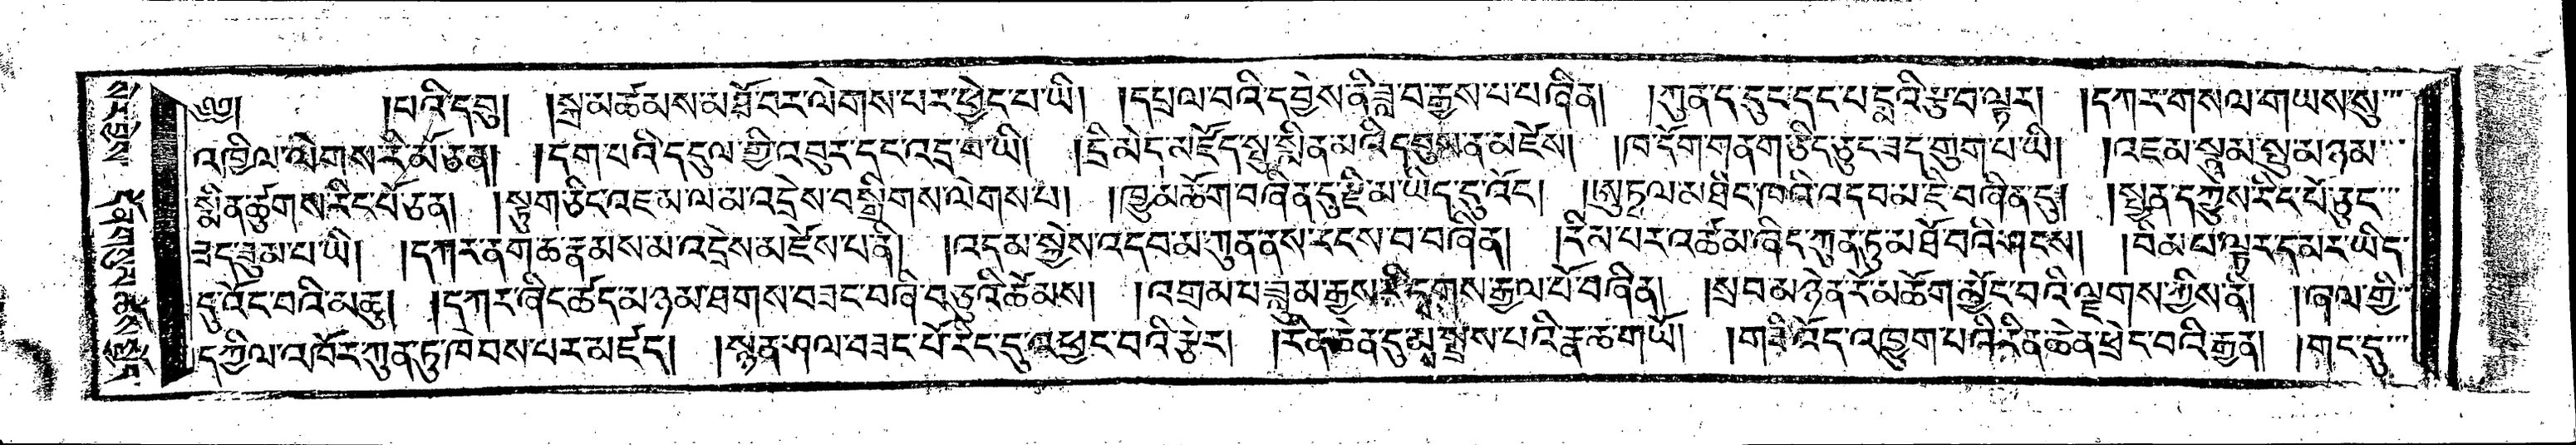༄༅། །པའི་དབུ། །སྐྲ་མཚམས་མཐོ་བར་ལེགས་པར་ཕྱེད་པ་ཡི། །དཔྲལ་བའི་དབྱེས་ནི་ཟླ་བ་རྒྱས་པ་བཞིན། །ཀུན་ད་དུང་དང་པདམའི་རྩ་བ་ལྟར། །དཀར་གསལ་གཡས་སུ་
འཁྱིལ་ལེགས་རི་མོ་ཅན། །དག་པའི་དངུལ་གྱི་འབུར་དང་འདྲ་བ་ཡི། །དྲི་མེད་མཛོད་སྤུ་སྨིན་མའི་དབུས་ན་མཛེས། །ཁ་དོག་གནག་ཅིང་ཅུང་ཟད་གུག་པ་ཡི། །འཇམ་སྣུམ་སྤུ་མཉམ་
སྨིན་ཚུགས་རིང་པོ་ཅན། །སྟུག་ཅིང་འཇམ་ལ་མ་འདྲེས་བསྒྲིགས་ལེགས་པ། །ཁྱུ་མཆོག་བཞིན་དུ་རྫི་མ་ཡིད་དུ་འོང་། །ཨུཏྤླ་མཐིང་ཁའི་འདབ་མ་ཇི་བཞིན་དུ། །སྤྱན་དཀྱུས་རིང་པོ་ཅུང་
ཟད་ཟུམ་པ་ཡི། །དཀར་ནག་ཆ་རྣམས་མ་འདྲེས་མཛེས་པ་ནི། །འདམ་སྐྱེས་འདབ་མ་ཀུན་ནས་རངས་བ་བཞིན། །རིམ་པར་འཚམ་ཞིང་ཀུན་ཏུ་མཐོ་བའི་ཤངས། །བིམ་པ་ལྟར་དམར་ཡིད་
དུ་འོང་བའི་མཆུ། །དཀར་ཞིང་ཚད་མཉམ་ཐགས་བཟང་བཞི་བཅུའི་ཚེམས། །འགྲམ་པ་ཟླུམ་རྒྱས་རི་དྭགས་རྒྱལ་པོ་བཞིན། །སྲབ་མཉེན་རོ་མཆོག་མྱོང་བའི་ལྗགས་ཀྱིས་ནི། །ཞལ་གྱི་
དཀྱིལ་འཁོར་ཀུན་ཏུ་ཁེབས་པར་མཛད། །སྙན་ཤལ་བཟང་པོ་རིང་དུ་འཕྱང་བའི་རྩེར། །རིན་ཆེན་དུ་མ་སྤྲས་པའི་རྣ་ཆ་གཡོ། །གཟི་འོད་འཁྱུག་པའི་རིན་ཆེན་ཕྲེང་བའི་རྒྱན། །གང་དུ་